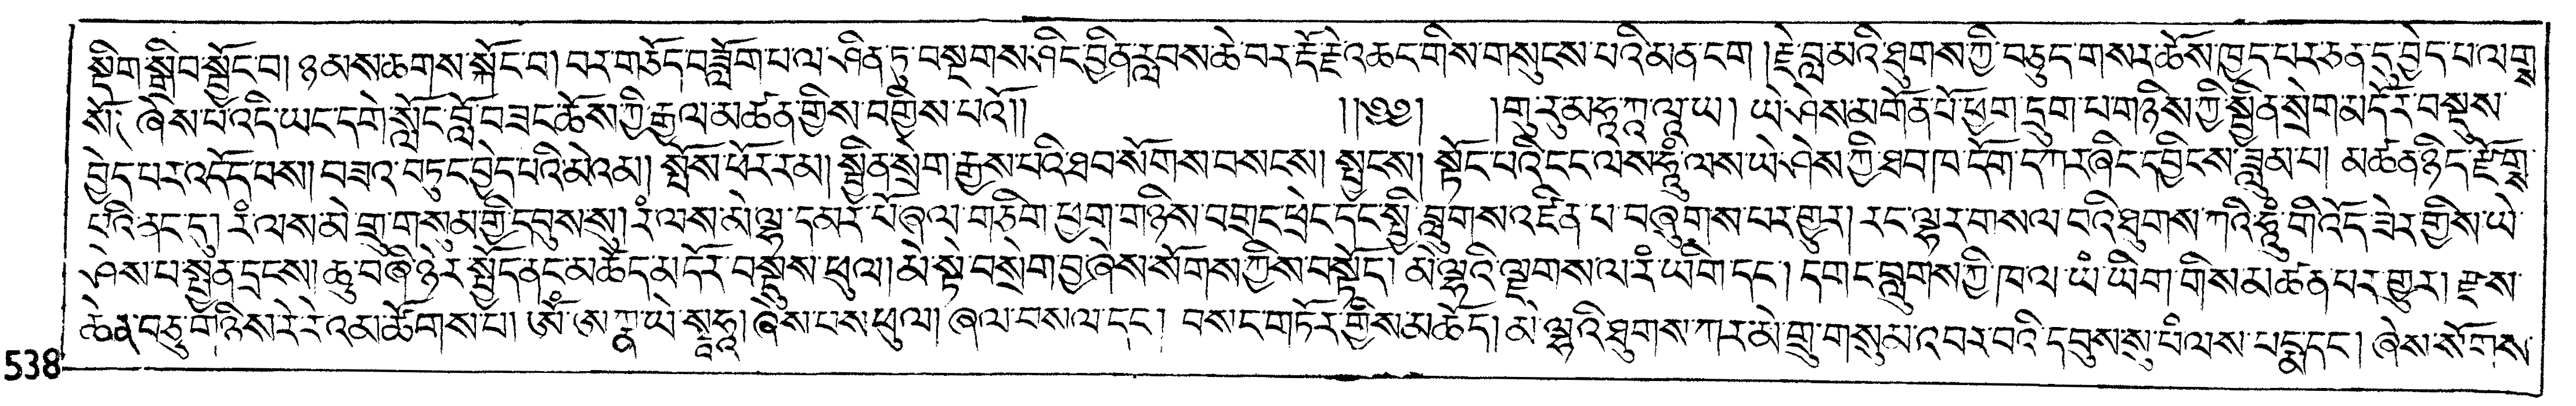སྡིག་སྒྲིབ་སྦྱོང་བ། ཉམས་ཆགས་སྐོང་བ། བར་གཅོད་བཟློག་པ་ལ་ཤིན་ཏུ་བསྔགས་ཤིང་བྱིན་རླབས་ཆེ་བར་རྡོ་རྗེ་འཆང་གིས་གསུངས་པའི་མན་ངག །རྗེ་བླ་མའི་ཐུགས་ཀྱི་བཅུད་གསར་ཆོས་ཁྱད་པར་ཅན་དུ་བྱེད་པ་ལགས་
སོ༑ ཞེས་པ་འདི་ཡང་དགེ་སློང་བློ་བཟང་ཆོས་ཀྱི་རྒྱལ་མཚན་གྱིས་བགྱིས་པའོ།། །།༄༅། །གུ་རུ་མཧཱ་ཀཱ་ལཱ་ཡ། ཡེ་ཤེས་མགོན་པོ་ཕྱག་དྲུག་པ་གཉིས་ཀྱི་སྦྱིན་སྲེག་མདོར་བསྡུས་
བྱེད་པར་འདོད་པས། བཟའ་བཏུང་བྱེད་པའི་མེའམ། སྤོས་ཕོར་རམ། སྦྱིན་སྲེག་རྒྱས་པའི་ཐབ་སོགས་བསངས། སྤྱངས། སྟོང་པའི་ངང་ལས་ཧཱུཾ་ལས་ཡེ་ཤེས་ཀྱི་ཐབ་ཁ་དོག་དཀར་ཞིང་དབྱིངས་ཟླུམ་པ། མཚན་ཉིད་རྫོགས་
པའི་ནང་དུ། རཾ་ལས་མེ་གྲུ་གསུམ་གྱི་དབུས་སུ། རཾ་ལས་མེ་ལྷ་དམར་པོ་ཞལ་གཅིག་ཕྱག་གཉིས་བགྲང་ཕྲེང་དང་སྤྱི་བླུགས་འཛིན་པ་བཞུགས་པར་གྱུར། རང་ལྷར་གསལ་བའི་ཐུགས་ཀའི་ཧཱུཾ་གི་འོད་ཟེར་གྱིས་ཡེ་
ཤེས་པ་སྤྱན་དྲངས། ཆུ་བཞི་ཉེར་སྤྱོད་ནང་མཆོད་མདོར་བསྡུས་ཕུལ། མེ་སྟེ་བསྲེག་བྱ་ཞེས་སོགས་ཀྱིས་བསྟོད། མེ་ལྷའི་ལྗགས་ལ་རཾ་ཡིག་དང་། དགང་བླུགས་ཀྱི་ཁ་ལ་ཡཾ་ཡིག་གིས་མཚན་པར་གྱུར། རྫས་
ཆེན་བཅུ་གཉིས་རེ་རེ་འམ་ཚོགས་པ། ཨོཾ་ཨཀྣ་ཡེ་སྭཱཧཱ། ཞེས་པས་ཕུལ། ཞལ་བསལ་དང་། བསང་གཏོར་གྱིས་མཆོད། མེ་ལྷའི་ཐུགས་ཀར་མེ་གྲུ་གསུམ་འབར་བའི་དབུས་སུ་པཾ་ལས་པདམ་དང་། ཞེས་སོགས་